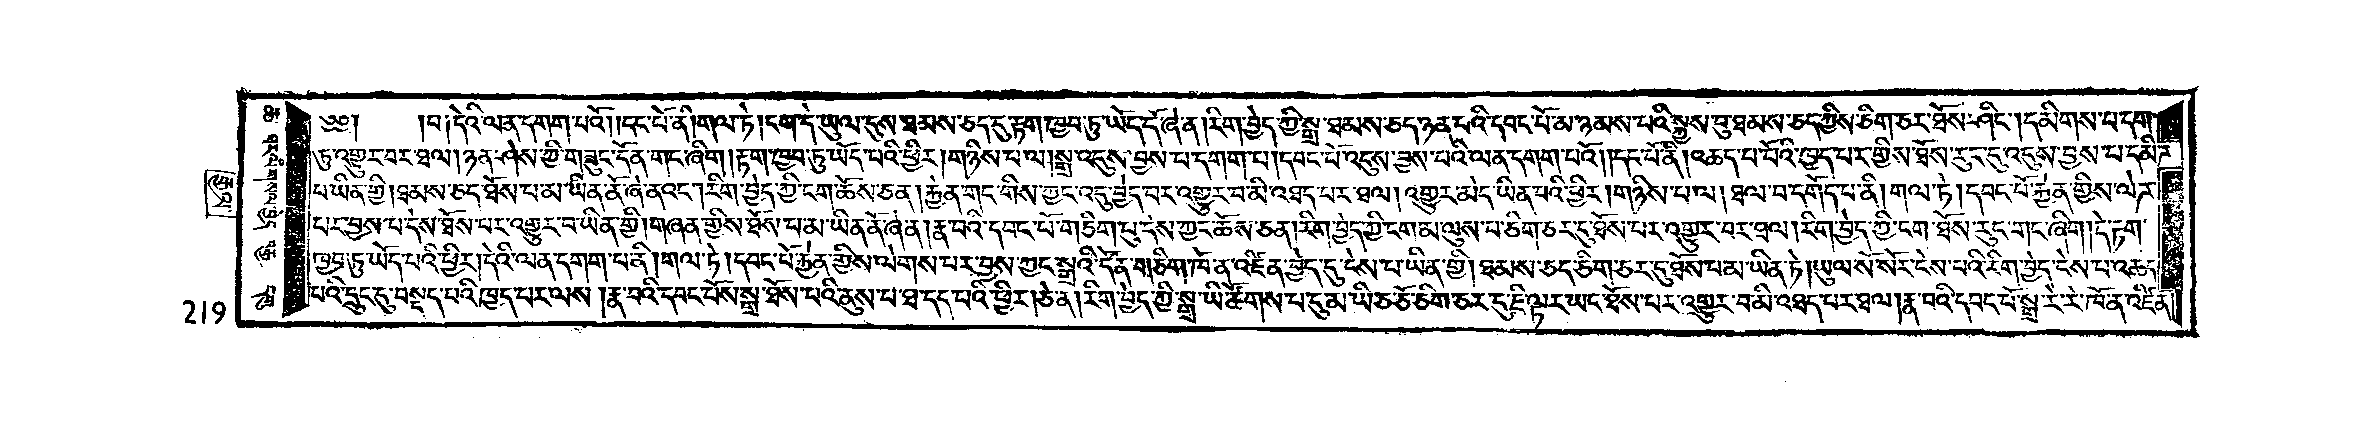༄༅། །པ། དེའི་ལན་དགག་པའོ། །དང་པོ་ནི། གལ་ཏེ། ངག་དེ་ཡུལ་དུས་ཐམས་ཅད་དུ་རྟག་ཁྱབ་ཏུ་ཡོད་དོ་ཞེ་ན། རིག་བྱེད་ཀྱི་སྒྲ་ཐམས་ཅད་ཉན་པའི་དབང་པོ་མ་ཉམས་པའི་སྐྱེས་བུ་ཐམས་ཅད་ཀྱིས་ཅིག་ཅར་ཐོས་ཤིང་། དམིགས་པ་དག་
ཏུ་འགྱུར་བར་ཐལ། ཉན་ཤེས་ཀྱི་གཟུང་དོན་གང་ཞིག །རྟག་ཁྱབ་ཏུ་ཡོད་པའི་ཕྱིར། གཉིས་པ་ལ། སྒྲ་འདུས་བྱས་པ་དགག་པ། དབང་པོ་འདུས་བྱས་པའི་ལན་དགག་པའོ། །དང་པོ་ནི། འཆད་པ་པོའི་ཁྱད་པར་གྱིས་ཐོས་རུང་དུ་འདུས་བྱས་པ་དམིཌ་?
པ་ཡིན་གྱི། ཐམས་ཅད་ཐོས་པ་མ་ཡིན་ནོ་ཞེ་ནའང་། རིག་བྱེད་ཀྱི་ངག་ཆོས་ཅན། རྐྱེན་གང་གིས་ཀྱང་འདུ་བྱེད་པར་འགྱུར་བ་མི་འཐད་པར་ཐལ། འགྱུར་མེད་ཡིན་པའི་ཕྱིར། གཉིས་པ་ལ། ཐལ་བ་དགོད་པ་ནི། གལ་ཏེ། དབང་པོ་རྐྱེན་གྱིས་ལེཌ་?
པར་བྱས་པ་དེས་ཐོས་པར་འགྱུར་བ་ཡིན་གྱི། གཞན་གྱིས་ཐོས་པ་མ་ཡིན་ནོ་ཞེ་ན། རྣ་བའི་དབང་པོ་གཅིག་པུ་དེས་ཀྱང་ཆོས་ཅན། རིག་བྱེད་ཀྱི་ངག་མ་ལུས་པ་ཅིག་ཅར་དུ་ཐོས་པར་འགྱུར་བར་ཐལ། རིག་བྱེད་ཀྱི་ངག་ཐོས་རུང་གང་ཞིག །དེ་རྟག་
ཁྱབ་ཏུ་ཡོད་པའི་ཕྱིར། དེའི་ལན་དགག་པ་ནི། གལ་ཏེ། དབང་པོ་རྐྱེན་གྱིས་ལེགས་པར་བྱས་ཀྱང་སྒྲའི་དོན་གཅིག་ཁོ་ན་འཛིན་བྱེད་དུ་ངེས་པ་ཡིན་གྱི། ཐམས་ཅད་ཅིག་ཅར་དུ་ཐོས་པ་མ་ཡིན་ཏེ། ཡུལ་སོ་སོར་ངེས་པའི་རིག་བྱེད་ངེས་པ་འཆད་
པའི་དྲུང་དུ་བསྡད་པའི་ཁྱད་པར་ལས། རྣ་བའི་དབང་པོས་སྒྲ་ཐོས་པའི་ནུས་པ་ཐ་དད་པའི་ཕྱིར། ཅེ་ན། རིག་བྱེད་ཀྱི་སྒྲ་ཡི་ཚོགས་པ་དུ་མ་ཡི་ཅ་ཅོ་ཅིག་ཅར་དུ་ཇི་ལྟར་ཡང་ཐོས་པར་འགྱུར་བ་མི་འཐད་པར་ཐལ། རྣ་བའི་དབང་པོ་སྒྲ་རེ་རེ་ཁོ་ན་འཛིན་